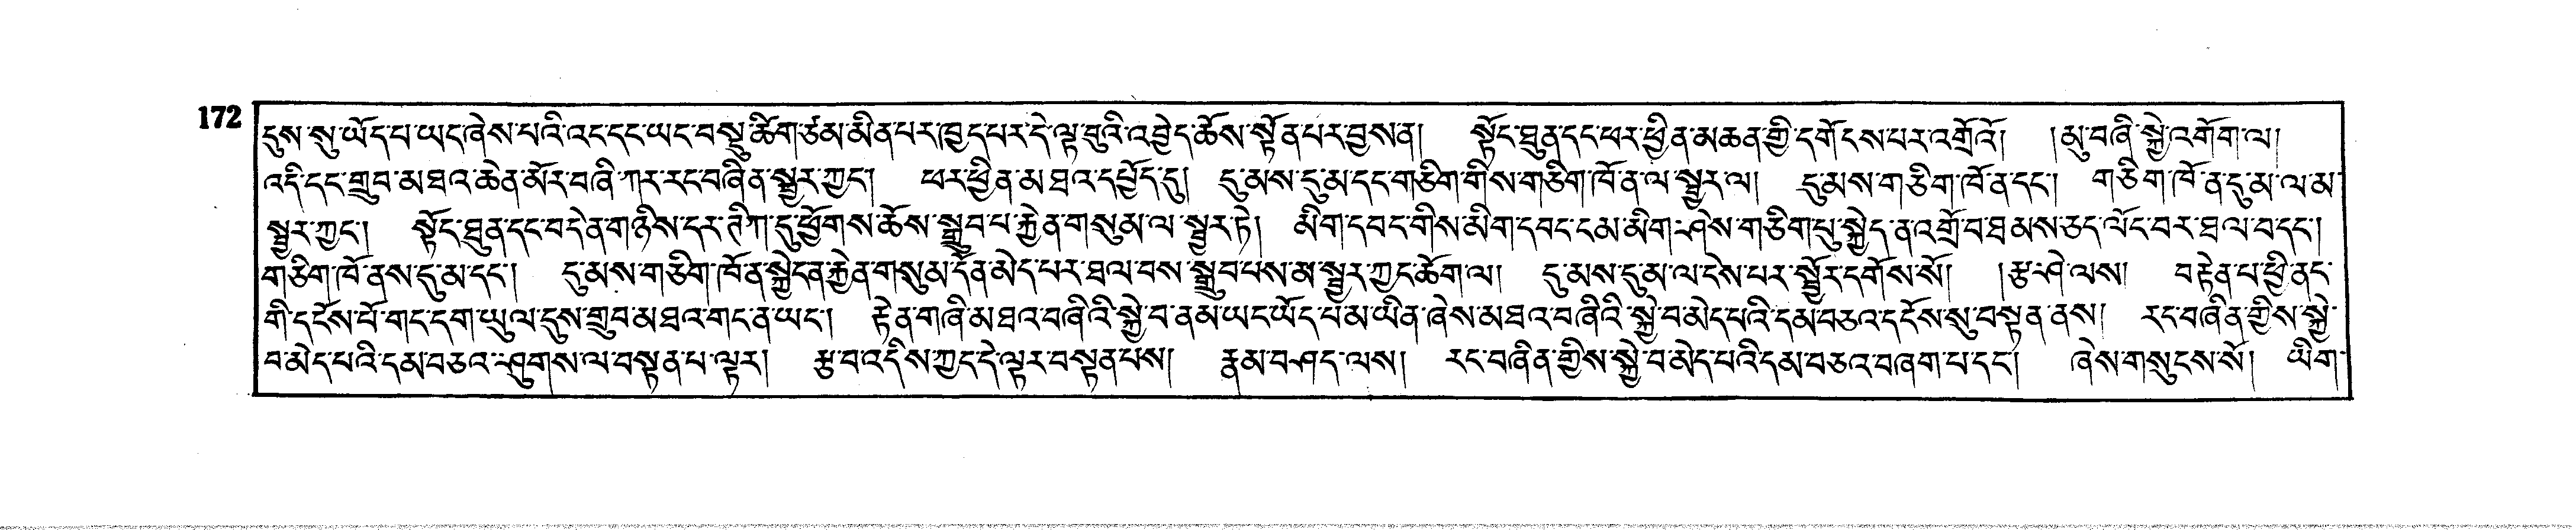དུས་སུ་ཡོད་པ་ཡང་ཞེས་པའི་འང་དང་ཡང་བསྡུ་ཚིག་ཙམ་མིན་པར་ཁྱད་པར་དེ་ལྟ་བུའི་འབྱེད་ཆོས་སྟོན་པར་བྱས་ན། སྟོང་ཐུན་དང་ཕར་ཕྱིན་མཆན་གྱི་དགོངས་པར་འགྲོའོ། །མུ་བཞི་སྐྱེ་འགོག་ལ།
འདི་དང་གྲུབ་མཐའ་ཆེན་མོར་བཞི་ཀར་རང་བཞིན་སྦྱར་ཀྱང་། ཕར་ཕྱིན་མཐའ་དཔྱོད་དུ། དུ་མས་དུ་མ་དང་གཅིག་གིས་གཅིག་ཁོ་ན་ལ་སྦྱར་ལ། དུ་མས་གཅིག་ཁོ་ན་དང་། གཅིག་ཁོ་ན་དུ་མ་ལ་མ་
སྦྱར་ཀྱང་། སྟོང་ཐུན་དང་བདེན་གཉིས་དར་ཊིཀ་དུ་ཕྱོགས་ཆོས་སྒྲུབ་པ་རྐྱེན་གསུམ་ལ་སྦྱར་ཏེ། མིག་དབང་གིས་མིག་དབང་ངམ་མིག་ཤེས་གཅིག་པུ་སྐྱེད་ན་འགྲོ་བ་ཐམས་ཅད་ལོང་བར་ཐལ་བ་དང་།
གཅིག་ཁོ་ནས་དུ་མ་དང་། དུ་མས་གཅིག་ཁོ་ན་སྐྱེད་ན་རྐྱེན་གསུམ་དོན་མེད་པར་ཐལ་བས་སྒྲུབ་པས་མ་སྦྱར་ཀྱང་ཆོག་ལ། དུ་མས་དུ་མ་ལ་ངེས་པར་སྦྱོར་དགོས་སོ། །རྩ་ཤེ་ལས། བརྟེན་པ་ཕྱི་ནང་
གི་དངོས་པོ་གང་དག་ཡུལ་དུས་གྲུབ་མཐའ་གང་ན་ཡང་། རྟེན་གཞི་མཐའ་བཞིའི་སྐྱེ་བ་ནམ་ཡང་ཡོད་པ་མ་ཡིན་ཞེས་མཐའ་བཞིའི་སྐྱེ་བ་མེད་པའི་དམ་བཅའ་དངོས་སུ་བསྟན་ནས། རང་བཞིན་གྱིས་སྐྱེ་
བ་མེད་པའི་དམ་བཅའ་ཤུགས་ལ་བསྟན་པ་ལྟར། རྩ་བ་འདིས་ཀྱང་དེ་ལྟར་བསྟན་པས། རྣམ་བཤད་ལས། རང་བཞིན་གྱིས་སྐྱེ་བ་མེད་པའི་དམ་བཅའ་བཞག་པ་དང་། ཞེས་གསུངས་སོ། ཡིག་